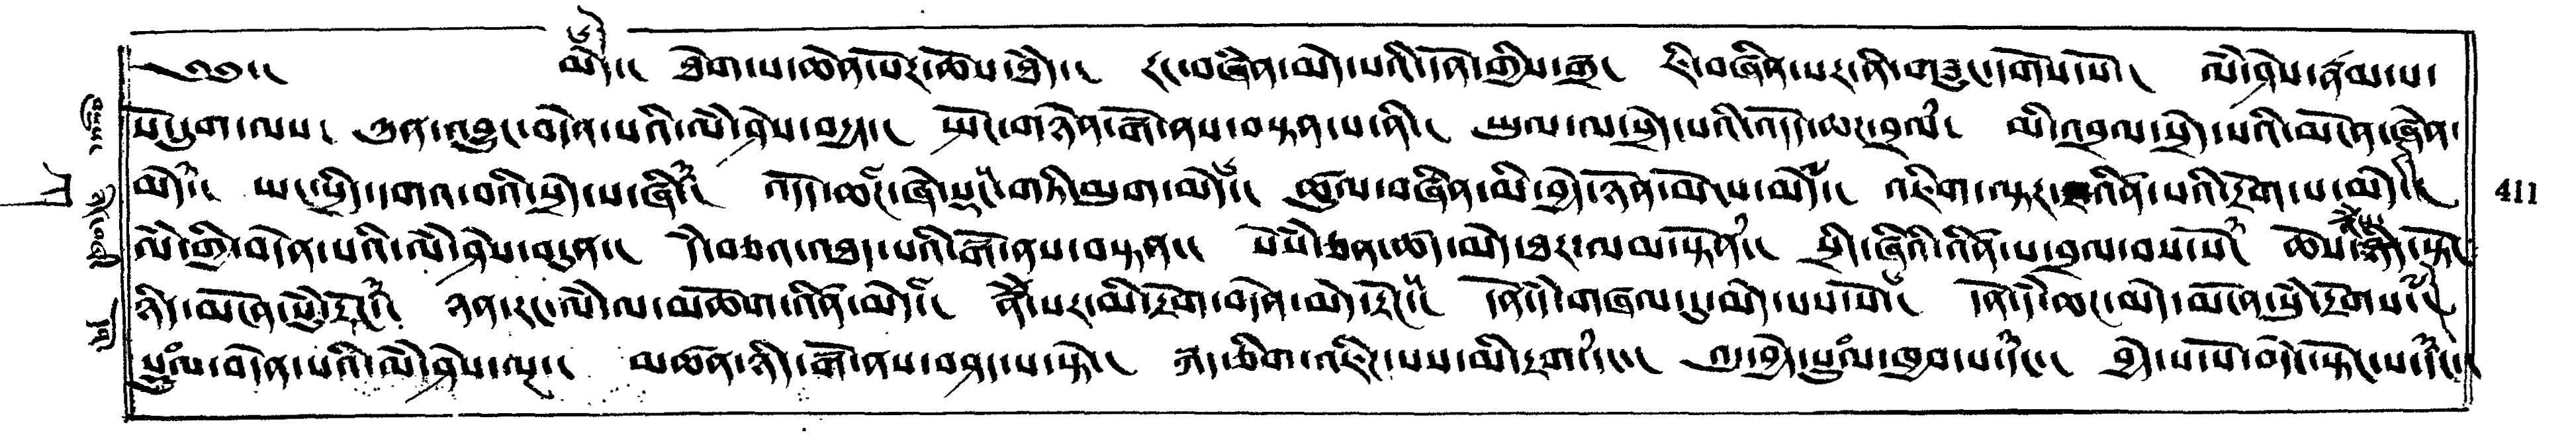མེད། །ཐེག་པ་ཆེན་པོར་ཆོས་ཐམས་ཅད། །རང་བཞིན་མེད་པའི་དོན་གྱིས་སྒྲ། །ཇི་བཞིན་པར་ནི་གཟུང་དགོས་སོ། །ལམ་ཤེས་རྣམ་པ་
སོ་དྲུག་ལས། །ཀུན་འབྱུང་བདེན་པའི་ལམ་ཤེས་བརྒྱད། །སྤོང་གཉེན་སྒོ་ནས་བསྟན་པ་ནི། །ཡུལ་ལ་སྲེད་པའི་འདོད་ཆགས་བྲལ། །མི་འབྲལ་སྲེད་པའི་མངོན་ཞེན་
མེད། །ཡང་སྲིད་དགའ་བའི་སྲེད་པ་ཞི། །འདོད་ཆགས་ཞེ་སྡང་གཏི་མུག་མེད། །ཚུལ་བཞིན་མི་བྱེད་ཉོན་མོངས་མེད། །འཇིག་ལྟར་འཛིན་པའི་རྟོག་པ་མེད། །
ལམ་གྱི་བདེན་པའི་ལམ་ཤེས་བདུན། །དམ་བཅའ་འཐད་པའི་སྒོ་ནས་བསྟན། །སེམས་ཅན་ཚད་མེད་ཐར་ལམ་སྟོན། །སྲིད་ཞིའི་འཛིན་པ་བྲལ་བས་སོ། །ཆོས་རྣམས་སྟོང་
ཉིད་མངོན་སུམ་རྟོགས། །ཉན་རང་ལམ་ལ་མཆོག་འཛིན་མེད། །རྣམ་པར་མི་རྟོག་བདེན་མེད་རྟོགས། །དོན་དམ་གཞལ་དུ་མེད་པས་སོ། །དོན་དམ་ཆགས་མེད་མངོན་སུམ་རྟོགས། །
སྡུག་བསྔལ་བདེན་པའི་ལམ་ཤེས་ལྔ། །མཚན་ཉིད་སྒོ་ནས་བཤད་པ་སྟེ། །སྐད་ཅིག་འཇིག་པས་མི་རྟག་དང་། །འདུ་བྱེད་སྡུག་བསྔལ་ཁྱབ་པ་དང་། །བྱེད་པ་པོ་མོད་སྟོང་པ་དང་། །